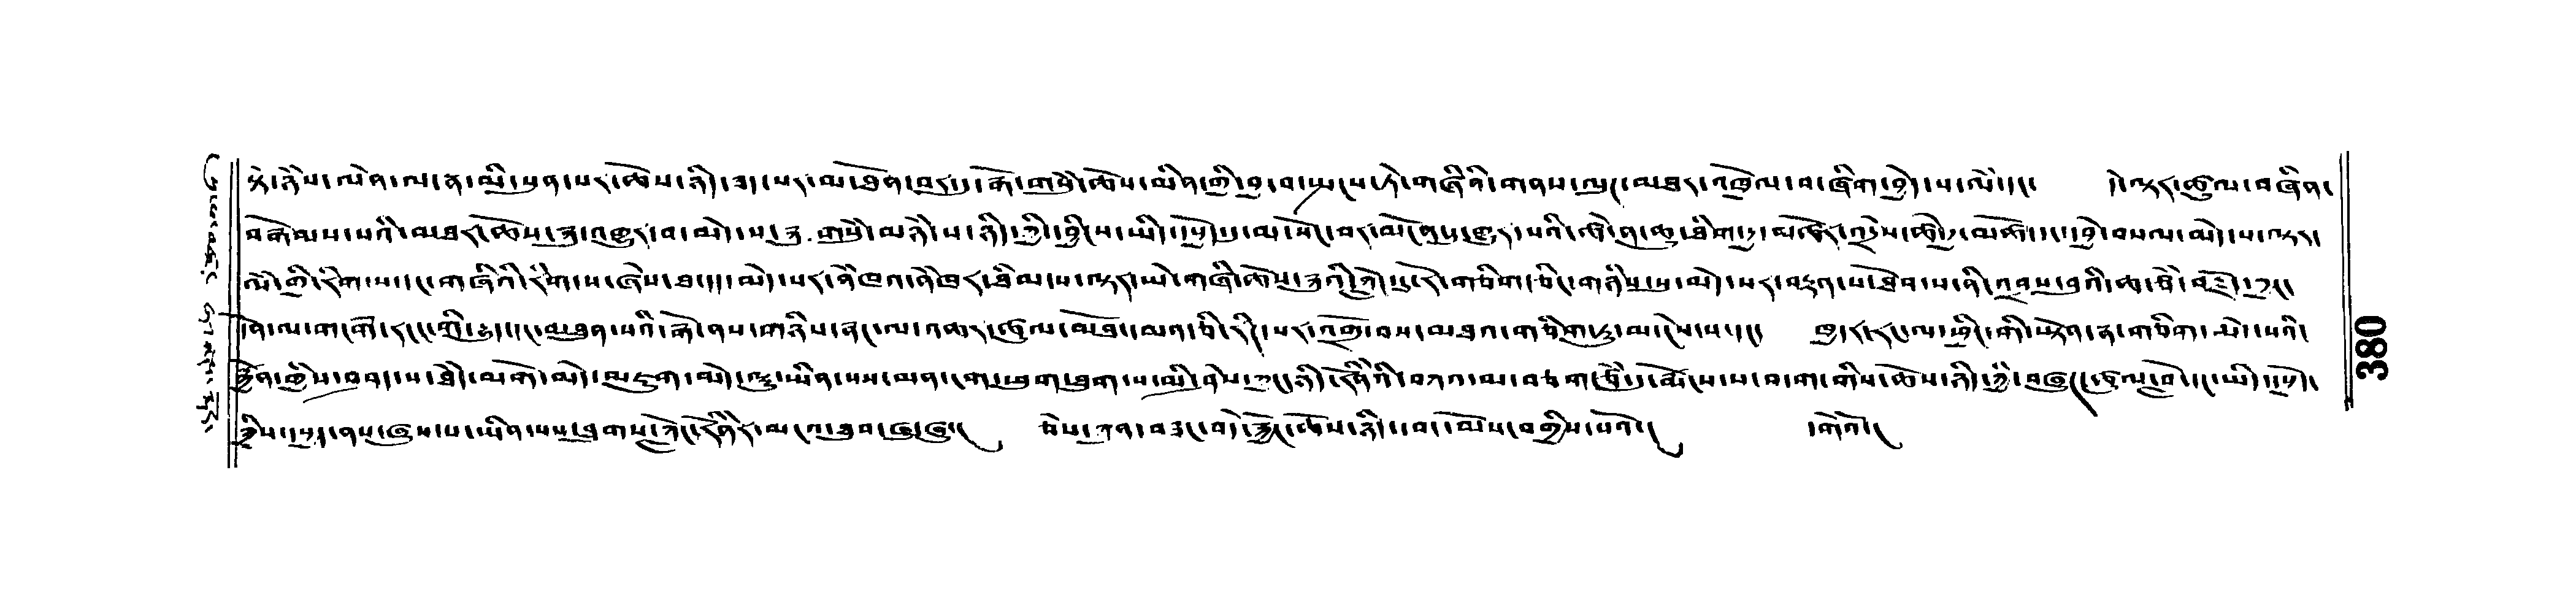སྟེ་ཉམས་ལེན་ལ་སྣ་མི་སུན་པར་ཆོས་ཉིད་ཟད་པར་མ་ཐོན་བར་དུ་སྒོ་གསུམ་ཆོས་མིན་གྱི་བྱ་བ་སྤངས་ཏེ་གཞི་ནི་གནས་ལུགས་མཐར་འཁྱོལ་བ་ཞིག་བྱེད་པ་ལམ་དང་། དེ་ལྟར་ཚུལ་བཞིན་
བསྒོམས་པའི་མཐར་ཆོས་སྐུ་འགྱུར་བ་མེད་པ་སྐུ་གསུམ་མཉམ་པ་ཉིད་ཀྱི་དབྱིངས་ཡིད་དཔྱོད་དུ་མ་སོང་བར་མངོན་དུ་གྱུར་པའི་ཚེ་ན་ཆུ་ཐིག་རྒྱ་མཚོར་འདྲེས་ཚེ་རྒྱ་མཚོ་དང་དབྱེ་བསལ་མེད་པ་ལྟར།
ལམ་གྱི་རིག་པ་དང་གཞིའི་རིག་པ་ཞེས་ཐ་དད་མེད་པར་ནམ་མཁའ་ནམ་མཁར་ཐིམ་པ་ལྟར་ཡེ་གཞི་ཆོས་སྐུའི་ཀློང་དུ་རོ་གཅིག་ཅིང་གཉིས་སུ་མེད་པར་བརྟན་པ་ཐོབ་པ་ནི་འབྲས་བུའི་ཆ་ཙམ་བརྗོད་ཀྱང་། 
དོན་ལ་གདམས་ངག་རང་རང་གི་རྒྱུད་དང་མཐུན་པའི་སྒོ་ནས་གཉིས་སྣང་ལ་འཆར་ཚུལ་མཐོ་དམན་ཅི་རིགས་པར་འགྲོ་བས་མཐའ་གཅིག་ཏུ་མ་ངེས་པ་དང་། ཁྱད་པར་རང་ལ་ཕྱི་ནང་གི་ཡོན་ཏན་སྣ་གཅིག་མེད་པའི་
རྐྱེན་གྱིས་བཤད་པ་ཐམས་ཅད་མགོ་མེད་མཇུག་མེད་ལྟ་བུ་ཡིན་པས་མན་ངག་ཕུག་ཐུག་པ་མི་ཤེས་ཀྱང་ཉིད་རིན་པོ་ཆེའི་བཀའ་མ་བཅག་ཙམ་དུ་རྨོངས་པ་བདག་གིས་ཆོས་ཉིད་ཀྱི་བཞུགས་ཚུལ་བློ་དང་ཡིད་དཔྱོད་
ཀྱིས་དཔྱད་ནས་ཞུས་པ་ཡིན་པས་ཐུགས་ཀློང་རིན་པོ་ཆེར་མངའ་ཐུབ་ཞུ་ཞུ། ཅེས་ཀུན་བཟང་བདེ་སྐྱོང་ཆོས་ཉིད་དབང་མོས་བགྱིས་པའོ།། དགེའོ།།